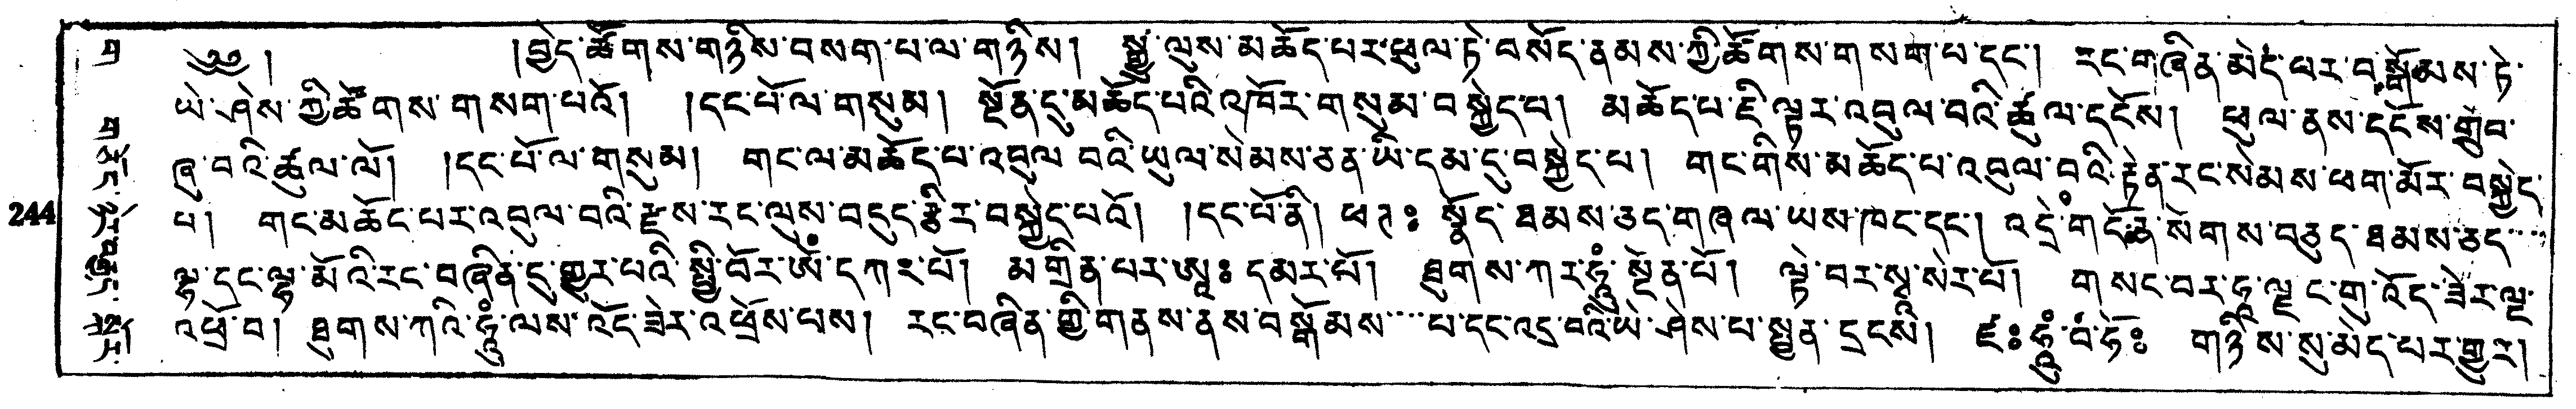༄༅། །བྱེད་ཚོགས་གཉིས་བསག་པ་ལ་གཉིས། སྒྱུ་ལུས་མཆོད་པར་ཕུལ་ཏེ་བསོད་ནམས་ཀྱི་ཚོགས་གསག་པ་དང་། རང་གཞིན་མེད་པར་བསྒོམས་ཏེ་
ཡེ་ཤེས་ཀྱི་ཚོགས་གསག་པའོ། །དང་པོ་ལ་གསུམ། སྔོན་དུ་མཆོད་པའི་འཁོར་གསུམ་བསྐྱེད་པ། མཆོད་པ་ཇི་ལྟར་འབུལ་བའི་ཚུལ་དངོས། ཕུལ་ནས་དངོས་གྲུབ་
ཞུ་བའི་ཚུལ་ལོ། །དང་པོ་ལ་གསུམ། གང་ལ་མཆོད་པ་འབུལ་བའི་ཡུལ་སེམས་ཅན་ཡི་དམ་དུ་བསྐྱེད་པ། གང་གིས་མཆོད་པ་འབུལ་བའི་རྟེན་རང་སེམས་ཕག་མོར་བསྐྱེད་
པ། གང་མཆོད་པར་འབུལ་བའི་རྫས་རང་ལུས་བདུད་རྩིར་བསྐྱེད་པའོ། །དང་པོ་ནི། ཕཊཿ སྣོད་ཐམས་ཅད་གཞལ་ཡས་ཁང་དང་། འདྲེ་གདོན་སོགས་བཅུད་ཐམས་ཅད་
ལྷ་དང་ལྷ་མོའི་རང་བཞིན་དུ་གྱུར་པའི་སྤྱི་བོར་ཨོཾ་དཀར་པོ། མགྲིན་པར་ཨཱ་H དམར་པོ། ཐུགས་ཀར་ཧཱུཾ་སྔོན་པོ། ལྟེ་བར་སྭཱ་སེར་པོ། གསང་བར་ཧཱ་ལྗང་གུ་འོད་ཟེར་ལྔ་
འཕྲོ་བ། ཐུགས་ཀའི་ཧཱུཾ་ལས་འོད་ཟེར་འཕྲོས་པས། རང་བཞིན་གྱི་གནས་ནས་བསྒོམས་པ་དང་འདྲ་བའི་ཡེ་ཤེས་པ་སྤྱན་དྲངས། ཛཿ ཧཱུཾ་བཾ་ཧོཿ གཉིས་སུ་མེད་པར་གྱུར།